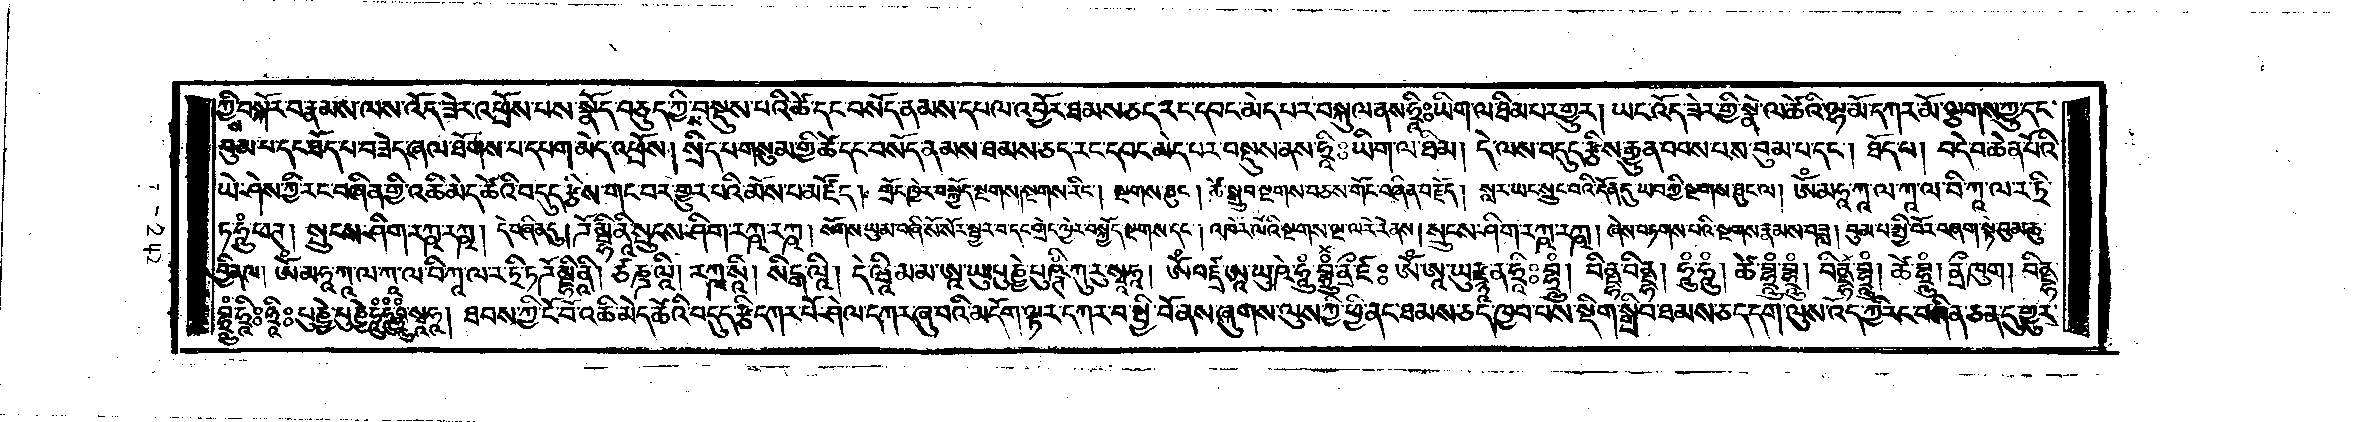ཀྱིས་བསྐོར་བ་རྣམས་ལས་འོད་ཟེར་འཕྲོས་པས་སྣོད་བཅུད་ཀྱི་བསྡུས་པ་ཚེ་དང་བསོད་ནམས་དཔལ་འབྱོར་ཐམས་ཅད་རྣམ་དབང་མེད་པར་བསྐུལ་ནས་ཧྲའིཿཡིག་ལ་ཐིམ་བར་རྒྱུ། ཡང་འོད་ཟེར་གྱི་སྣེ་ལ་ཚེ་ལྷ་མོ་དཀར་མོ་ལྕགས་ཀྱུ་དང་
བུམ་པ་དང་ཐོད་པ་བཟེད་ཞལ་ཐོགས་པ་དཔག་མེད་འཕྲོས། སྲིད་པ་གསུམ་གྱི་ཆོ་དང་བསོད་ནམས་ཐམས་ཅད་རང་དབང་མེད་པར་བསྡུས་ནས་ཧྲཱིཿ ཡིག་ལ་ཐིམ། དེ་ལས་བུད་རྫིས་རྒྱུན་བབས་བས་བུམ་པ་དང་། ཐོད་པ། བདེ་པ་ཆེན་པོའི་
ཡེ་ཤེས་ཀྱི་རང་བཞིན་གྱི་འཆི་མེད་ཚོའི་བདུད་རྩིད་གང་བར་གྱུར་བའི་མོས་པ་མཛོད། གྲོང་ཁྱེར་བསྐྱོད་སྔགས། སྔགས་རིང་། སྔགས་ཐུང་། ཚེ་སྒྲུབ་སྔགས་བཅས་གོང་བཞིན་བརྗོད། སླ་རྒྱ་སྲུང་བའི་དོན་དུ་ཡབ་ཀྱི་སྔགས་ཐུང་ལ། ཨོཾ་མ་ཧཱ་ཀཱ་ལ་ལ་མི་ཀཱ་ལ་ར་ཏྲི་
ཏ་ཧཱུཾ་ཕཊ། སྲུངས་ཤིག་རཀྵ་རཀྵ། དེ་བཞིན་དུ། དོ་བྷི་ནའི་སྲུངས་ཤིག་ར་ཀྵར་ཀྵ། སོགས་ཡུམ་བཞི་སོ་སོར་སྦྱར་བ་དང་གྲོང་ཁྱེར་བསྐྱོད་སྔགས་དང་།  འཁོར་ལོའི་སྔགས་ལྔ་ལ་རེ་རེ་ནས། སྲུངས་ཤིག་ར་ཀྵ་ར་ཀྵ། ཞེས་བཏག་པ་སྔག་རྣམས་བཟླ། བུམ་པ་སྤྱི་བོ་ཞག་སྟེ་བུམ་ཆུ་
བྱིན་ལ། ཨོཾ་ཨ་ཧཱ་ཀཱ་ལ་ཀཱ་ལ་བི་ཀཱ་ལ་ར་ཏྲི་ཏ་ཊོ་མྦྷི་ནི། ཙ་ནད་ལཱི། ར་ཁ་སའི། སིངྒ་ལཱི། དེ་ཝཱི་མ་མ་ཨཱ་ཡུ་བུ་ཉེ་པི་ཥཊི་ཀུ་རུ་སྭཱ་ཧཱ། ཨོཾ་བཛྲ་ཨཱ་ཡུ་ཥེ་བྷུཨཾ་ནྲྀ་ཛཿ ཨོཾ་ཨཱ་ཡུ་རྫྙཱ་ན་ཧཱིཿ བྷཱུཾ། བིནྡྷ་བནྫི། ཧཱུཾ་ཧཱུཾ། ཚེ་ཧཱུཾ། ནྲྀ་ཁུག། བིནྡྷ་
བྷཱུཨཾ་ཧྲཱིཿ ཧཱིཿཔུ་ཉེ་བུ་ཉེ་ཧཱུཾ་ཧཱཱུཾ་ཧཱུཾ་སྭཱ་ཧཱ། ཐབས་ཀྱི་ངོ་བོ་འཆི་མེད་ཚེ་འབུད་རྩི་དཀར་པོ་ཤེལ་དཀར་ཞུ་བའི་མདོག་ལྟར་དཀར་བ་སྤྱི་བོ་ནས་ཞུགས་ལུས་ཀྱི་ཕྱི་ནང་ཐམས་ད་ཁྱབ་བས་སྡིག་སྒྲིབ་ཐམས་ཅད་དག་ལུ་འོད་ཀྱི་རང་བཞིན་ཅན་དུ་གྱུར་